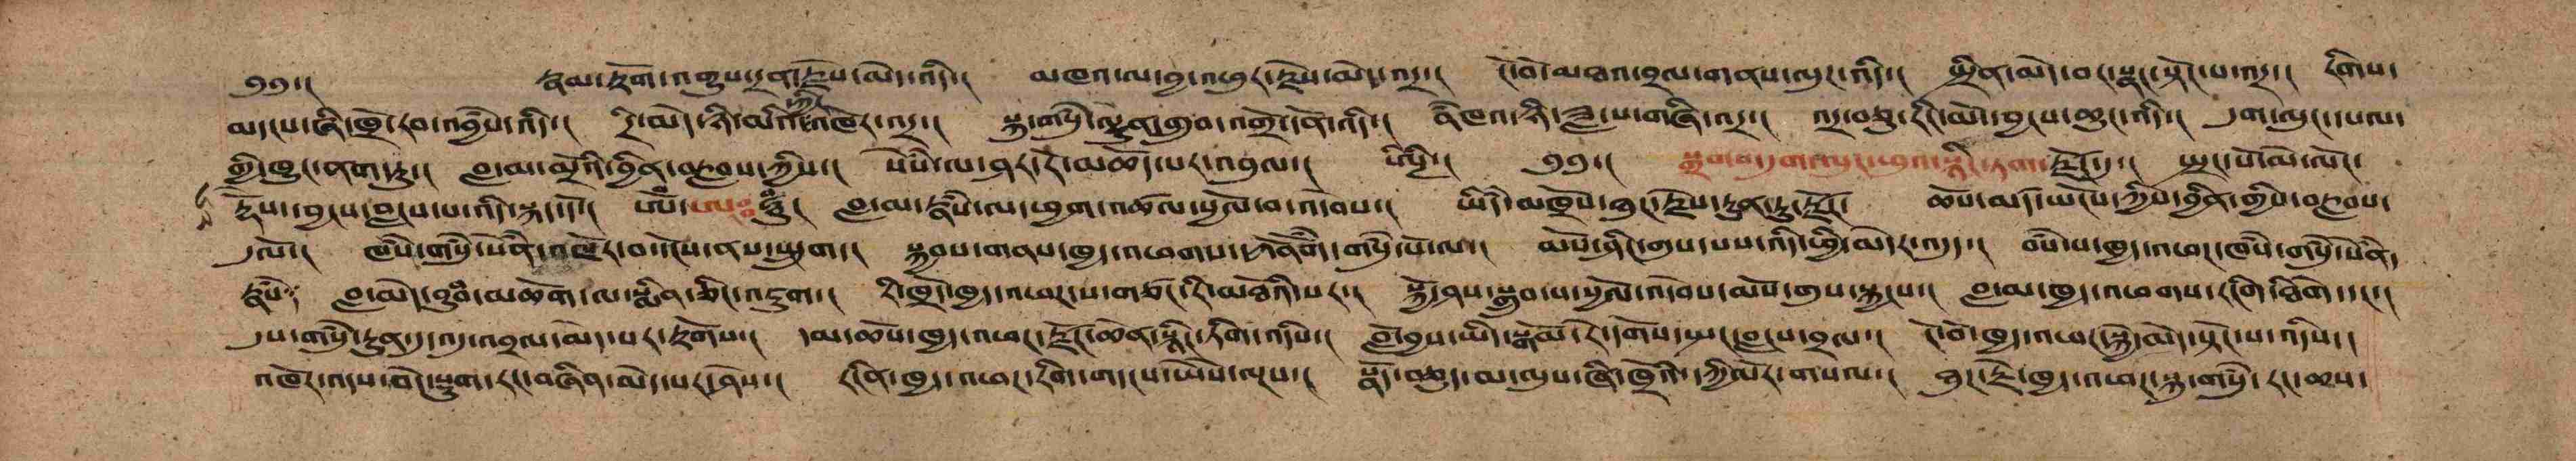༄༅།། རྣམ་རྟོག་འགྱུས་དྲན་རྗེས་མེད་འདི།། མཁའ་ལ་བྱ་འཕུར་རྗེས་མེད་འདྲ།། ངོ་བོ་མཐའ་བྲལ་གནས་ལུགས་འདི།། སྤྲིན་མེད་བར་སྣང་སྟོང་པ་འདྲ།། རིགས་
མདངས་ཞི་ཁྲོ་རབ་འབྱམས་འདི།། དྲི་མེད་ཉི་མའི་དཀྱིལ་འཁོར་འདྲ།། སྐུ་གསུམ་ལྷུན་གྲུབ་འགྲོ་དོན་འདི།། ནམ་མཁའ་ཉི་ཟླ་ས་གཞི་འདྲ།། འདྲ་བཅུ་རིང་མོ་དབྱངས་ཆུང་འདི།། དུག་ལུང་དཔལ་
གྱི་ཁྱུང་ནག་ཏུ།། བླ་མ་མཁའ་འགྲོའི་བྱིན་རླབས་ཀྱིས།། སེམས་ལ་ཤར་རོ་མཆོད་པར་འབུལ།། ཨིཊི།། ༄་། སྒྲས་བ་དུག་ལུང་ཕུའ་སྙིང་ཏག་རྫོང་དུ།། སྤྲང་པོ་མེ་ལོང་
རྡོ་རྗེས་དབྱངས་བླངས་པ་འདི་སྐད་དོ།། ཨོཾ་ཨཱཿཧཱུཾ།། བླ་མ་རྣམས་ལ་ཕྱག་འཚལ་གསོལ་བ་འདེབས།། ཡིད་དམ་མཁའ་འགྲོས་ཐུགས་རྗེས་རྒྱུན་དུ་རྫོགས།། ཆོས་མཛད་ཡོངས་ཀྱིས་བྱིན་གྱིས་བརླབས་
ཏུ་གསོལ།། ཁམས་གསུམ་སེམས་ཅན་འཁོར་བ་དོངས་ནས་སྤྲུག།། སྐྱབས་གནས་ཁྱད་འཕགས་དཀོན་མཆོག་གསུམ་པོ་ལ།། མོས་ཤིང་གུས་པས་འདི་ཕྱི་མེད་པར་འདུད།། བསམ་པ་ཁྱད་འཕགས་ཁམས་གསུམ་སེམས་ཅན་
རྣམས།། བླ་མེད་བྱང་ཆུབ་མཆོག་ལ་སྨིན་ཅིང་འཇུག།། རི་ཁྲོད་ཁྱད་འཕགས་ས་གཙང་རི་མཐོའི་སར།། སྐྱོ་ཤས་སྒྲུབ་པ་གསོལ་འདེབས་མོས་གུས་སྐྱོངས།། བླ་མ་ཁྱད་འཕགས་རང་རིག་ཐིག་ལེ་དང་།། 
དུས་གསུམ་རྒྱུན་དུ་འདུ་འབྲལ་མེད་པར་རྟོགས།། དམ་ཆོས་ཁྱད་འཕགས་རྫོགས་ཆེན་སྙིང་ཏིག་འདིས།། བློས་བྱས་ཡིད་སྒོམ་རེ་དོགས་སྤང་བླང་བྲལ།། ངོ་བོ་ཁྱད་འཕགས་སྐྱེ་མེད་སྟོང་པ་འདིས།། 
འཁོར་འདས་བདེ་སྡུག་རང་བཞིན་མེད་པར་ཤེས།། རང་བཞིན་ཁྱད་འཕགས་རིག་གདངས་ཡེ་ཤེས་ལྔས།། སྣོད་བཅུད་མ་ལུས་ཞི་ཁྲོའི་དཀྱིལ་འཁོར་གསལ།། ཐུགས་རྗེ་ཁྱད་འཕགས་སྐུ་གསུམ་རང་ཆས་